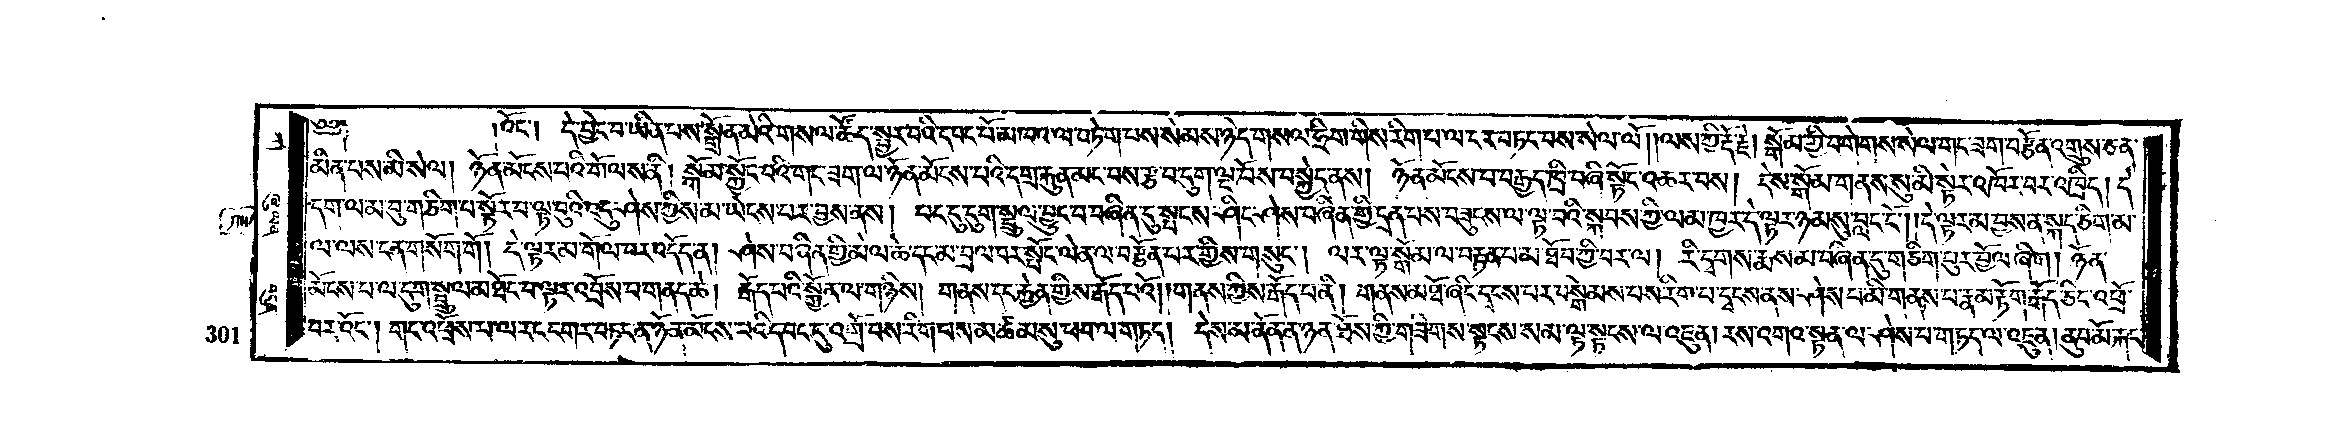༄༅། །འོང་། དེ་བྱེང་བ་ཡིན་པས་སྒྲོན་མེའི་གསལ་ཚོད་སྦྱར་བའི་དབང་པོ་མཁའ་ལ་བཏེག་པས་སེམས་ཉེད་གསལ་ཧྲིག་གིས་རིག་པ་ལ་ངར་བཏང་བས་སེལ་ལོ། །ལས་ཀྱི་རྡོ་རྗེ། སྒོམ་གྱི་བགེགས་སེལ་གང་ཟག་བརྩོན་འགྲུས་ཅན་
མིན་པས་མི་སེལ། ཉོན་མོངས་པའི་གོལ་ས་ནི། སྒོམ་སྐྱོང་བའི་གང་ཟག་ལ་ཉོན་མོངས་པའི་དགྲ་རྐུན་མང་བས་རྩ་བ་དུག་ལྔ་པོས་བསྐྱེད་ནས། ཉོན་མོངས་པ་བརྒྱད་ཁྲི་བཞི་སྟོང་འཆར་བས། དེས་སྒོམ་གནས་སུ་མི་སྟེར་འཁོར་བར་འཁྲིད། དེ་
དག་ལ་མ་བུ་གཅིག་པ་སྟོར་བ་ལྟ་བུའི་འདུ་ཤེས་ཀྱིས་མ་ཡེངས་པར་བྱས་ནས། པང་དུ་དུག་སྤྲུལ་བྱུང་བ་བཞིན་དུ་སྤངས་ཤིང་ཤེས་བཞིན་གྱི་དྲན་པས་བཟུངས་ལ་ལྟ་བའི་སྐབས་ཀྱི་ལམ་ཁྱར་དེ་ལྟར་ཉམས་སུ་བླང་ངོ། །དེ་ལྟར་མ་བྱས་ན་སྐད་ཅིག་མ་
ལ་ལས་ངན་གསོག་གོ །དེ་ལྟར་མ་གོལ་བར་འདོད་ན། ཤེས་བཞིན་གྱི་མེལ་ཆེ་དང་མ་བྲལ་བར་སྤོང་ལེན་ལ་བརྩོན་པར་གྱིས་གསུང་། ལར་ལྟ་སྒོམ་ལ་བརྟན་པ་མ་ཐོབ་ཀྱི་བར་ལ། རི་དྭགས་རྨས་མ་བཞིན་དུ་གཅིག་པུར་བྱོལ་ཞིག །ཉོན་
མོངས་པ་ལ་དུག་སྦྲུལ་མཐོང་བ་ལྟར་འབྲོས་པ་གནད་ཆེ། རྒོད་པའི་སྐྱོན་ལ་གཉིས། གནས་དང་རྐྱེན་གྱིས་རྒོད་པའོ། །གནས་ཀྱིས་རྒོད་པ་ནི། གནས་མཐོ་ཞིང་དྭངས་པར་བསྒེམས་པས་རིག་པ་དྭངས་ནས་ཤེས་པ་མི་གནས་པ་རྣམ་རྟོག་རྒོད་ཅིང་འཕྲོ་
བར་འོང་། གང་འཕྲོས་པ་ལ་རང་དགར་བཏང་ན་ཉོན་མོངས་པའི་དབང་དུ་འགྲོ་བས་རིག་པས་མཚམས་སུ་ཕབ་ལ་གཏད། དེས་མ་ནོན་ན་ཉན་ཐོས་ཀྱི་གཟིགས་སྟངས་སམ་ལྟ་སྟངས་ལ་འཇུན། རས་འགའ་སྟན་ལ་ཤེས་པ་གཏད་ལ་འཇུན། ནུབ་མོ་རྐང་